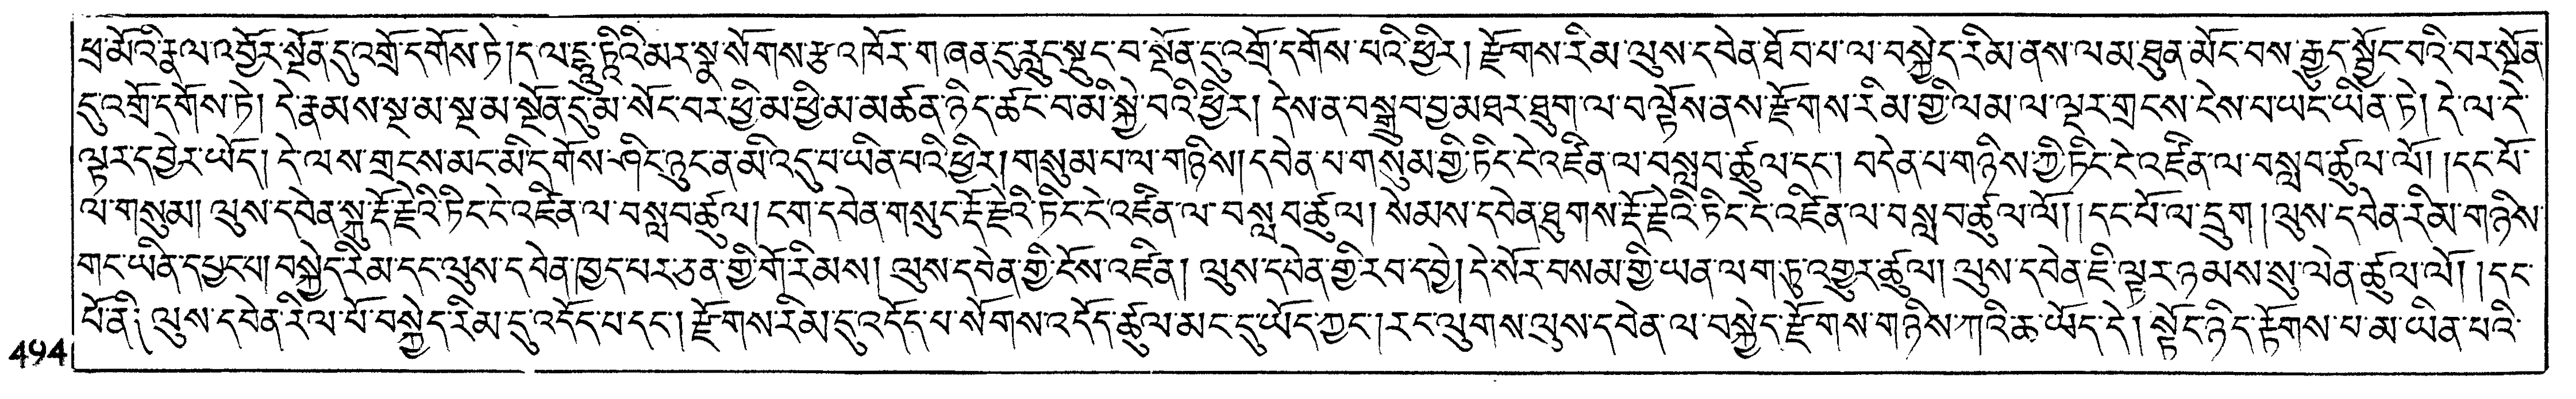ཕྲ་མོའི་རྣལ་འབྱོར་སྔོན་དུ་འགྲོ་དགོས་ཏེ། དེ་ལ་དྷཱུ་ཏཱིའི་མར་སྣ་སོགས་རྩ་འཁོར་གཞན་དུ་རླུང་སྡུད་བ་སྔོན་དུ་འགྲོ་དགོས་པའི་ཕྱིར། རྫོགས་རིམ་ལུས་དབེན་ཐོབ་པ་ལ་བསྐྱེད་རིམ་ནས་ལམ་ཐུན་མོང་བས་རྒྱུད་སྦྱོང་བའི་བར་སྔོན་
དུ་འགྲོ་དགོས་ཏེ། དེ་རྣམས་སྔ་མ་སྔ་མ་སྔོན་དུ་མ་སོང་བར་ཕྱི་མ་ཕྱི་མ་མཚན་ཉིད་ཚང་བ་མི་སྐྱེ་བའི་ཕྱིར། དེས་ན་བསྒྲུབ་བྱ་མཐར་ཐུག་ལ་བལྟོས་ནས་རྫོགས་རིམ་གྱི་ལམ་ལ་ལྔར་གྲངས་ངེས་པ་ཡང་ཡིན་ཏེ། དེ་ལ་དེ་
ལྟར་དབྱེར་ཡོད། དེ་ལས་གྲངས་མང་མི་དགོས་ཤིང་ཉུང་ན་མི་འདུ་བ་ཡིན་པའི་ཕྱིར། གསུམ་པ་ལ་གཉིས། དབེན་པ་གསུམ་གྱི་ཏིང་ངེ་འཛིན་ལ་བསླབ་ཚུལ་དང་། བདེན་པ་གཉིས་ཀྱི་ཏིང་ངེ་འཛིན་ལ་བསླབ་ཚུལ་ལོ། །དང་པོ་
ལ་གསུམ། ལུས་དབེན་སྐུ་རྡོ་རྗེའི་ཏིང་ངེ་འཛིན་ལ་བསླབ་ཚུལ། ངག་དབེན་གསུང་རྡོ་རྗེའི་ཏིང་ངེ་འཛིན་ལ་བསླབ་ཚུལ། སེམས་དབེན་ཐུགས་རྡོ་རྗེའི་ཏིང་ངེ་འཛིན་ལ་བསླབ་ཚུལ་ལོ། །དང་པོ་ལ་དྲུག །ལུས་དབེན་རིམ་གཉིས་
གང་ཡིན་དཔྱད་པ། བསྐྱེད་རིམ་དང་ལུས་དབེན་ཁྱད་པར་ཅན་གྱི་གོ་རིམས། ལུས་དབེན་གྱི་ངོས་འཛིན། ལུས་དབེན་གྱི་རབ་དབྱེ། དེ་སོར་བསམ་གྱི་ཡན་ལག་ཏུ་འགྱུར་ཚུལ། ལུས་དབེན་ཇི་ལྟར་ཉམས་སུ་ལེན་ཚུལ་ལོ། །དང་
པོ་ནི༑ ལུས་དབེན་རིལ་པོ་བསྐྱེད་རིམ་དུ་འདོད་པ་དང་། རྫོགས་རིམ་དུ་འདོད་པ་སོགས་འདོད་ཚུལ་མང་དུ་ཡོད་ཀྱང་། རང་ལུགས་ལུས་དབེན་ལ་བསྐྱེད་རྫོགས་གཉིས་ཀའི་ཆ་ཡོད་དེ། སྟོང་ཉིད་རྟོགས་པ་མ་ཡིན་པའི་